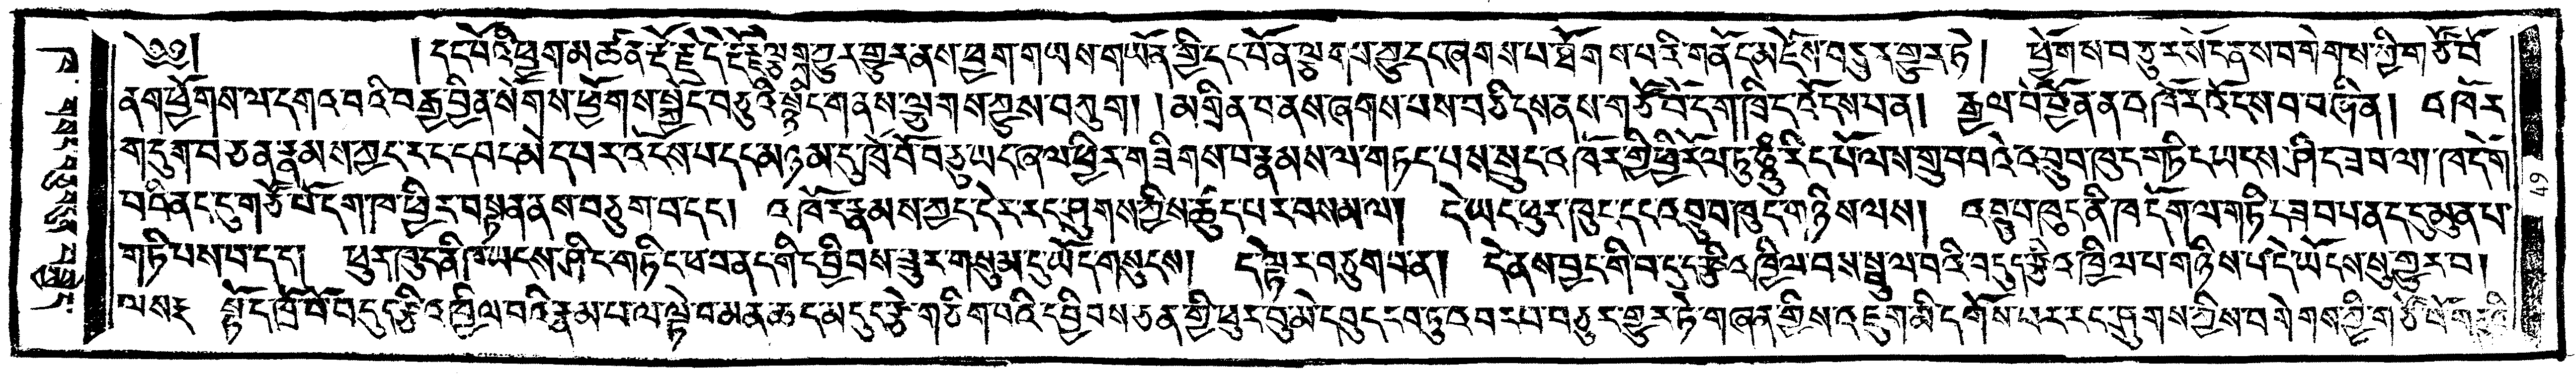༄༅། །དང་པོའི་ཕྱག་མཚན་རྡོ་རྗེ་དེ་རྡོ་རྗེ་ལྕགས་ཀྱུར་གྱུར་ནས་ཕྱག་གཡས་གཡོན་གྱི་དང་པོ་ན་ལྕགས་ཀྱུ་དང་ཞགས་པ་ཐོགས་པའི་གནོད་མཛེས་བཅུར་གྱུར་ཏེ། ཕྱོགས་བཅུར་སོང་ནས་བགེགས་ཀྱི་གཙོ་བོ་
ནག་ཕྱོགས་ལ་དགའ་བའི་བརྒྱ་བྱིན་སོགས་ཕྱོགས་སྐྱོང་བཅུའི་སྙིང་གནས་ལྕགས་ཀྱུས་བཀུག། །མགྲིན་པ་ནས་ཞགས་པས་བཅིངས་ནས་གཙོ་བོ་དག་ཁྲིད་འོངས་པ་ན། རྒྱལ་བོ་བྱོན་ན་འཁོར་འོངས་བ་བཞིན། འཁོར་
གདུག་པ་ཅན་རྣམས་ཀྱང་རང་དབང་མེད་པར་འོངས་པ་དང་མཉམ་དུ་ཁྲོ་བོ་བཅུ་ཡང་ཞལ་ཕྱིར་གཟིགས་པ་རྣམས་ལ་གཏད་པས་སྲུང་འཁོར་གྱི་ཕྱི་རོལ་ཏུ་ཧཱུཾ་རིང་པོ་ལས་གྲུབ་པའོ་འབྲུ་བ་ཁུང་གཏིང་ཡངས་ཤིང་ཟབ་ལ། ཁ་དོག་
བའི་ནང་དུ་གཙོ་བོ་དག་ཁ་ཕྱིར་བསྟན་ནས་བཅུག་པ་དང་། འཁོར་རྣམས་ཀྱང་དེར་རང་ཤུགས་ཀྱིས་ཚུང་པར་བསམ་ལ། དེ་ཡང་ཕུར་ཁུང་དང་འབྲུ་བ་ཁུང་གཉིས་ལས། འབྲུ་བ་ཁུད་ནི་ཁ་དོག་ལ་གཏིང་ཟབ་པ་ནད་དུ་མུན་པ་
གཏི་པས་པ་དང་། ཕུར་ཁུང་ནི་ཁ་ཡངས་ཤིང་ཏིང་ཕ་བ་ནང་གི་དབྱིབས་ཟུར་གསུམ་དུ་ཡོད་གསུངས། དེ་ལྟར་བཅུག་པ་ན། དེ་ནས་བྱང་གི་བདུད་རྩི་འཁྱིལ་བས་སྦུལ་བའི་བདུད་རྩི་འཁྱིལ་པ་གཉིས་པ་དེ་ཡོངས་སུ་གྱུར་པ།
ལས༑ སྟོང་ཁྲོ་བོ་བདུད་རྩི་འཁྱིལ་བའི་རྣམ་པ་ལ་ལྟེ་བ་མན་ཆད་མདུད་རྩེ་གཅིག་པའི་དབྱིབས་ཅན་གྱི་ཕུར་བུ་མེ་དཔུང་རབ་ཏུ་འབར་བ་བཅུར་གྱུར་ཏེ་གཞན་གྱིས་འཇུག་མི་དགོས་པར་རང་ཤུགས་ཀྱིས་བགེགས་ཀྱི་གཙོ་བོ་གཎྜའི?